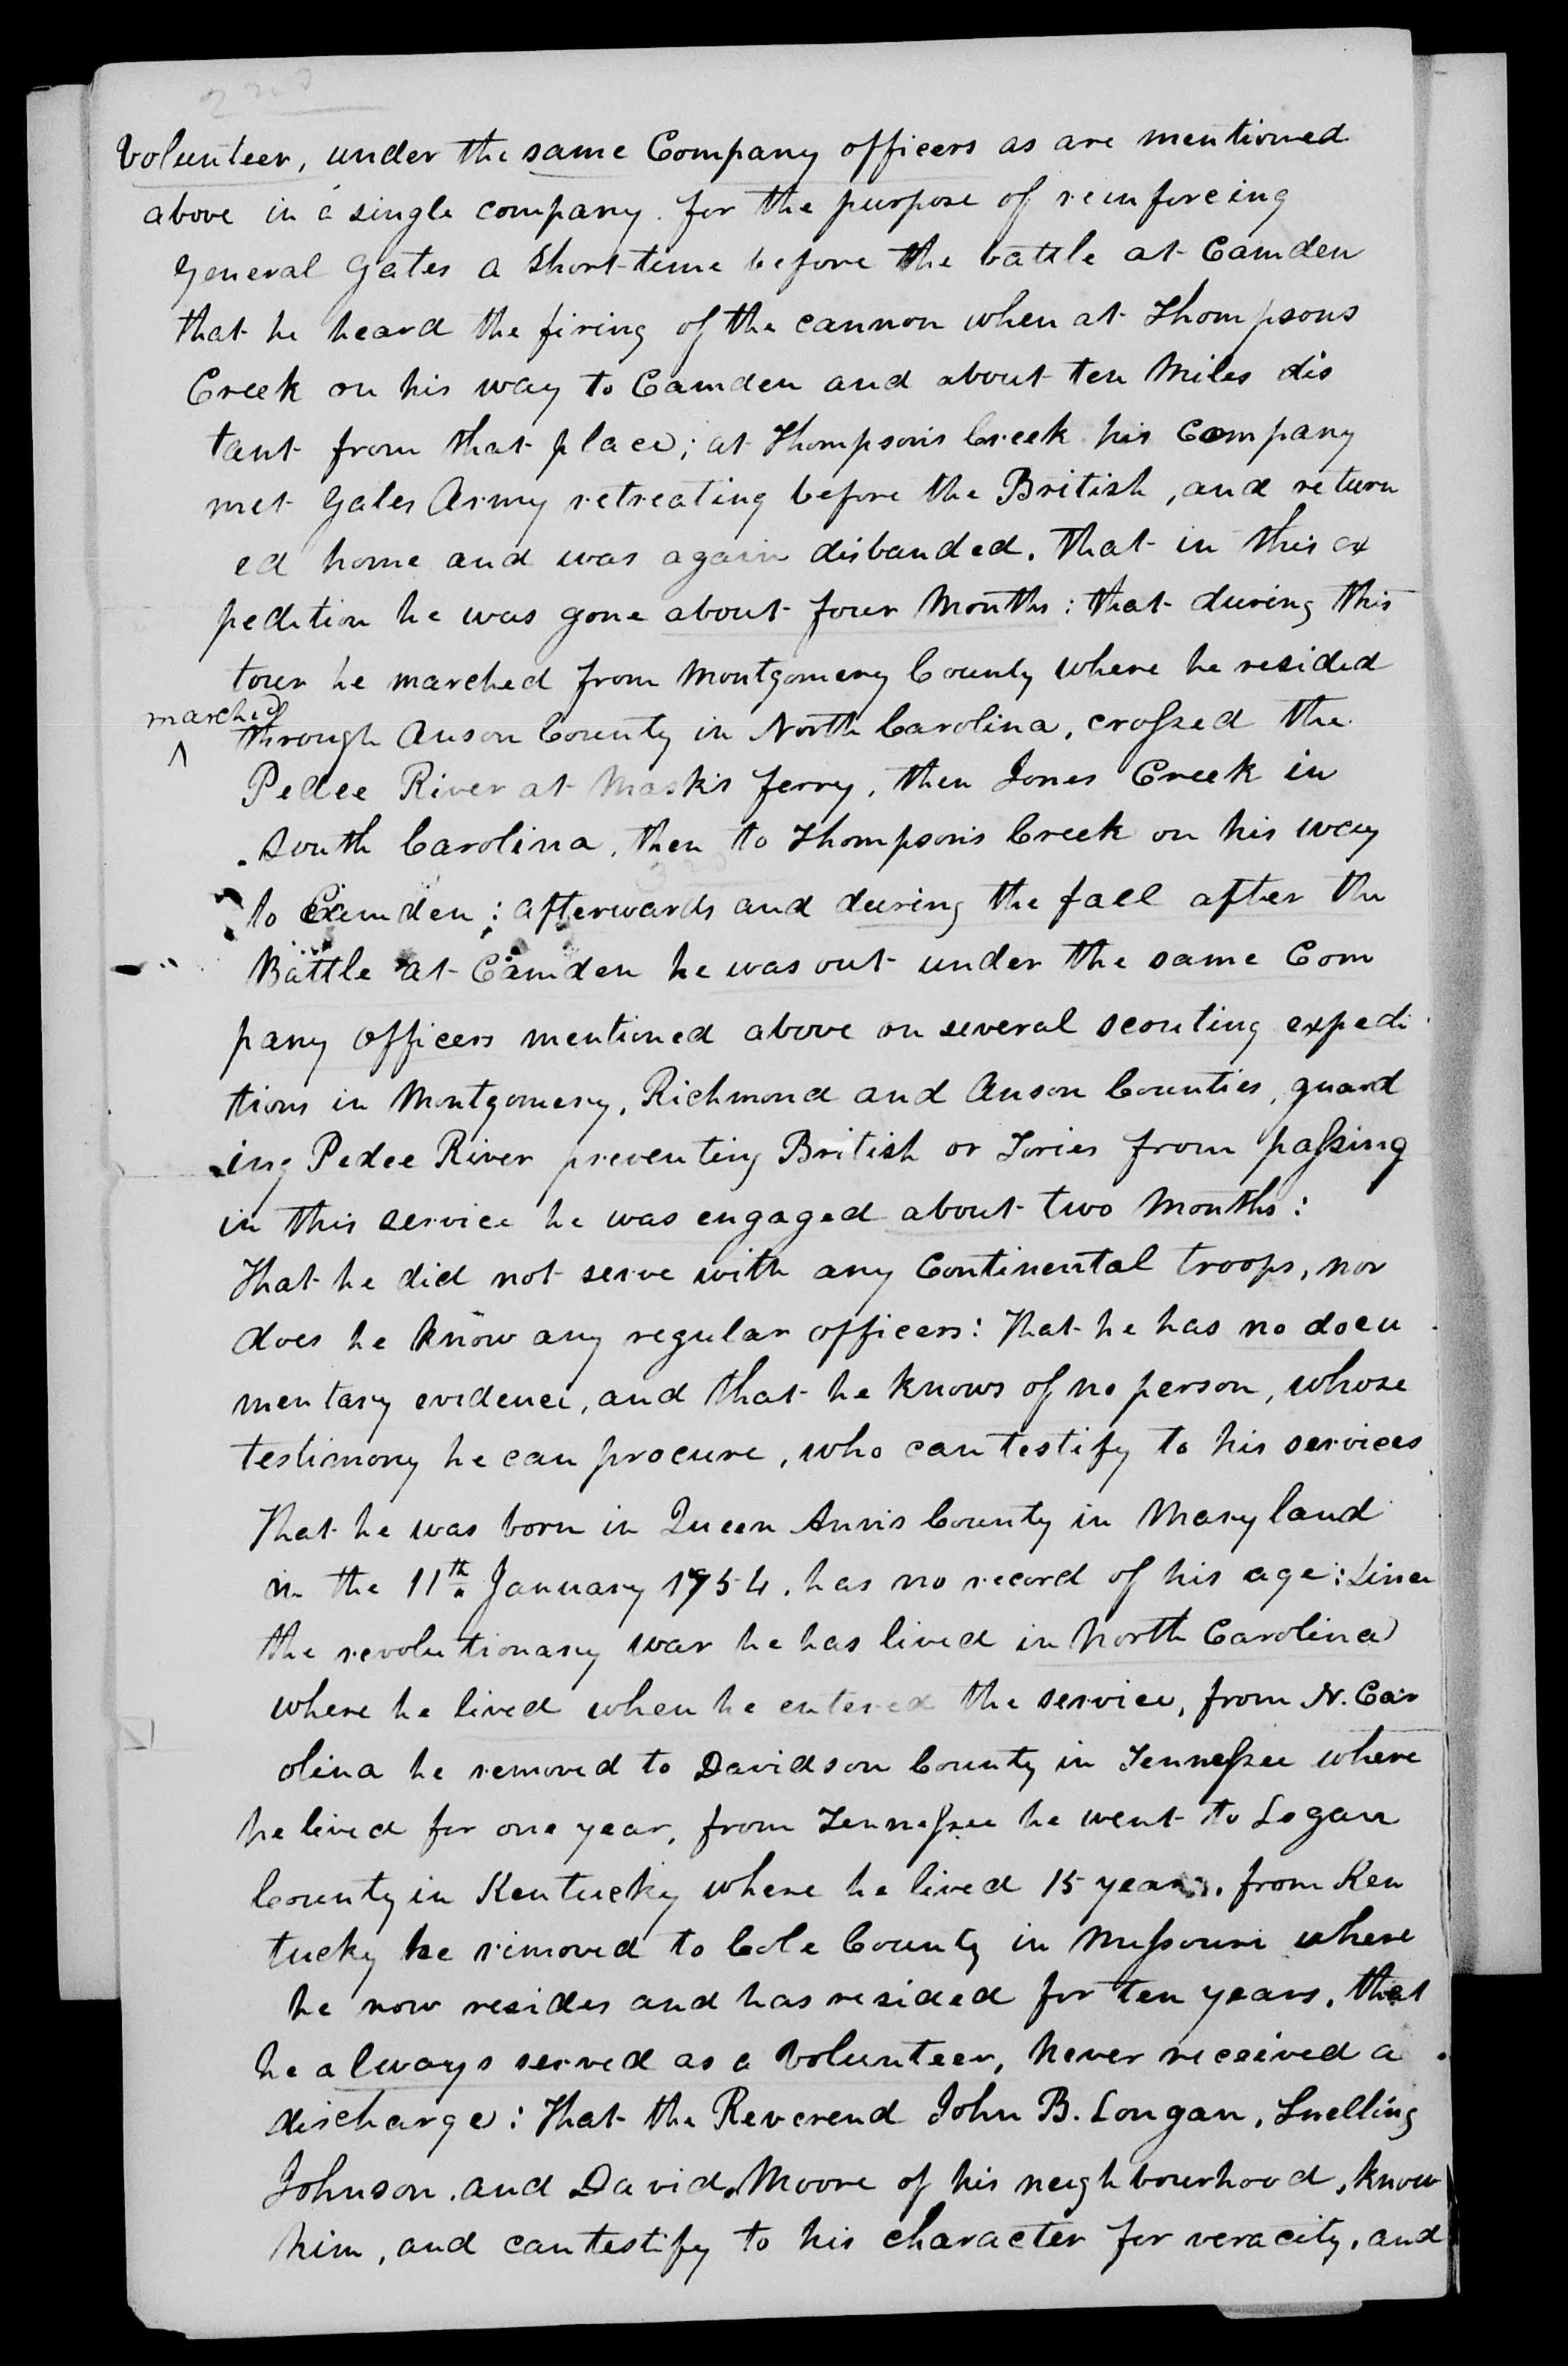volunteer, under the same Company officers as are mentioned above in a single company for the purpose of reinforcing General Gates a short time before the battle at Camden
that he heard the firing of the cannon when at Thompson's Creek on his way to Camden and about ten miles distant from that place, at Thompson's Creek his company met Gates Army retreating before the British, and returned home and was again disbanded. That in this expedition he was gone about four months; that during this tour he marched from Montgomery County where he resided marching through Anson County in North Carolina, crossed the Pee Dee River at Mark's ferry, then Jones Creek in South Carolina, then to Thompson's Creek on his way to Camden; afterwards and during the fall after the Battle at Camden he was out under the same company officers mentioned above on several scouting expeditions in Montgomery, Richmond and Anson Counties guarding Pee Dee River preventing British or Tories from passing, in this service he was engaged about two months. That he did not serve with any Continental troops, nor does he know any regular officers: That he has no documentary evidence, and that he knows of no person, whose testimony he can procure, who can testify to his services. That he was born in Queen Ann's County in Maryland in the 11th January 1754 has no record of his age. Since
the revolutionary war he has lived in North Carolina where he lived when he entered the service, from N. Carolina he removed to Davidson County in Tennessee where he lived for one year, from Tennessee he went to Logan
County in Kentucky where he lived 15 years from Kentucky he removed to Cole County in Missouri where he now resides and has resided for ten years, that he always served as a volunteer, never received a discharge. That the Reverend John B. Longan, Snelling Johnson, and David Moore of his neighborhood, know
him, and can testify to his character for veracity, and [next]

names: Snelling Johnson; David Moore; [BLANK] Gates; John B Longan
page: 5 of 19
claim: survivor's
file: S. 17022, for William Powell, North Carolina